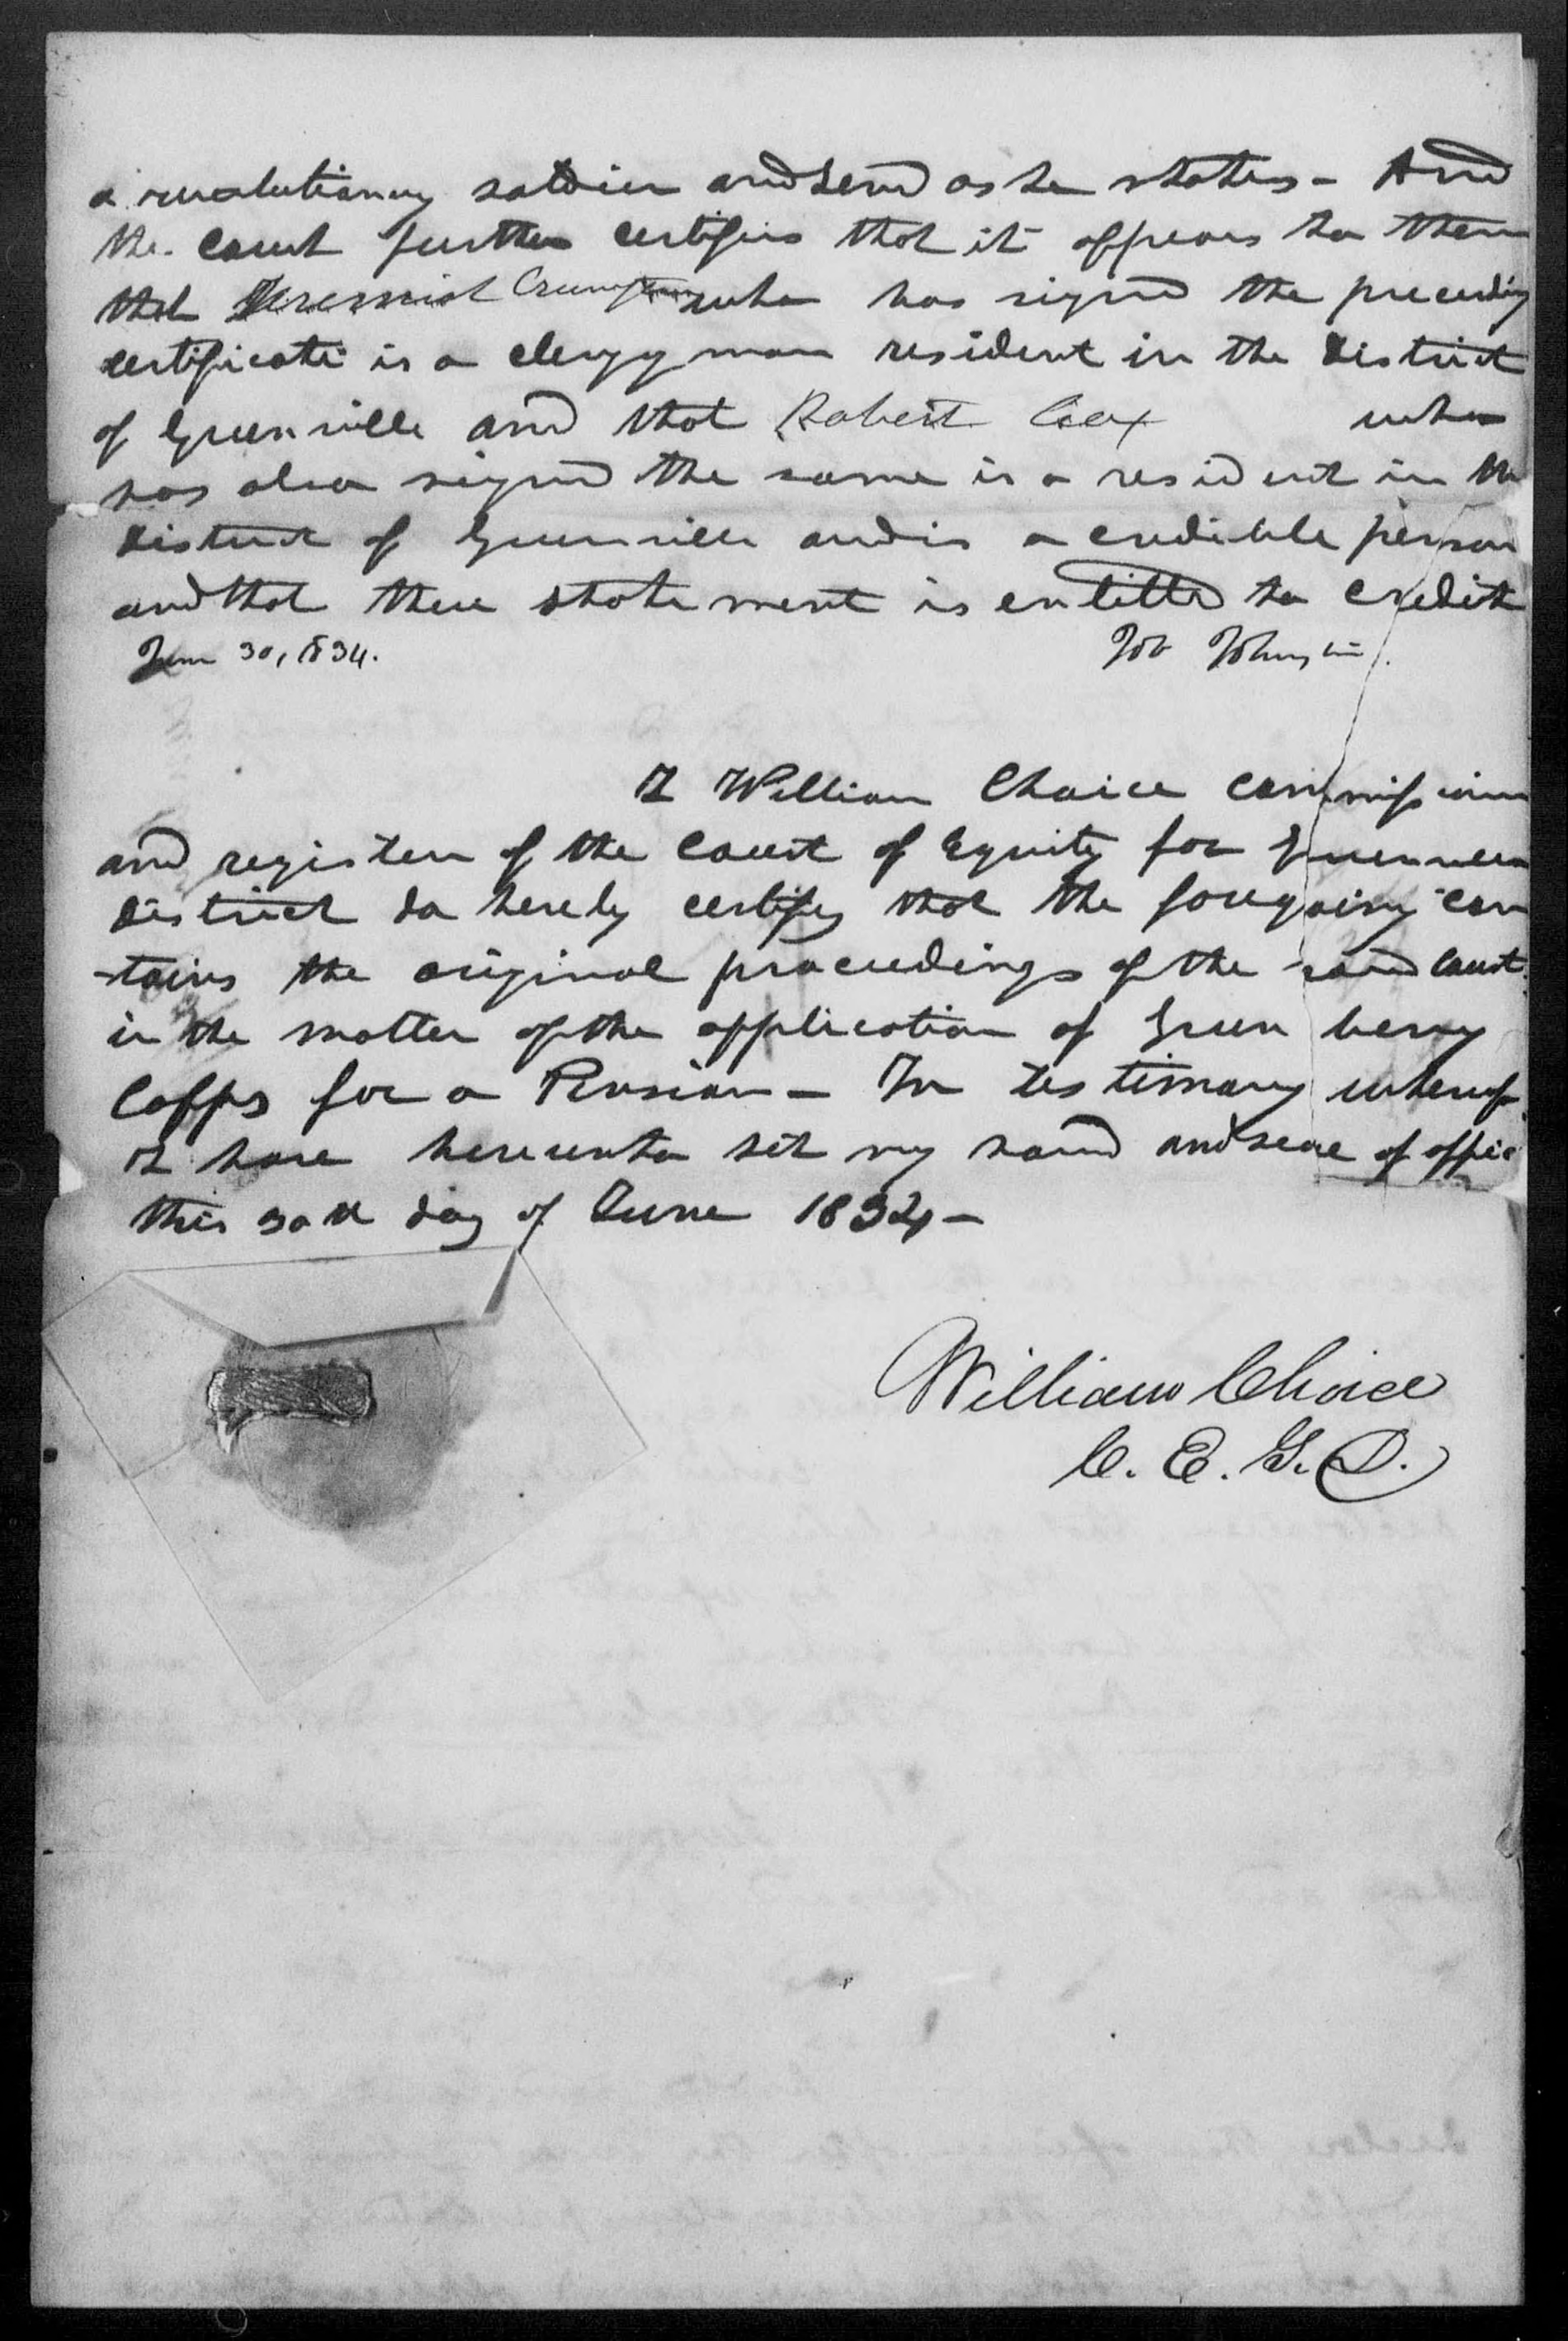a revolutionary soldier and served as he states - And the Court further certifies that it appears to them that Jeremiah Crumpton who has signed the proceeding certificate is a clergyman resident in the district of Greenville and that Robert Cox who has also signed the same is a resident in the district of Greenville and is a credible person and that their statement is entitled to credit. June 30 1834.   Job Johnson ( signed )  I William Choice commissioner and register of the Court of Equity for Greenville district do hereby certify that the foregoing contains the original proceedings of said Court in the matter of the application of Greenberry Capps  for a Pension - In testimony whereof I have hereunto set my hand and seal of office this 30th day of June 1834-  William Choice ( signed / sealed ) C.E. G.D.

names: William Choice, Robert Cox, Jeremiah Crump, William Choice, Job Johnston, Greenberry Capps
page: 8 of 26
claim: survivor's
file: S. 21105, Greenbery Caps, S.C.